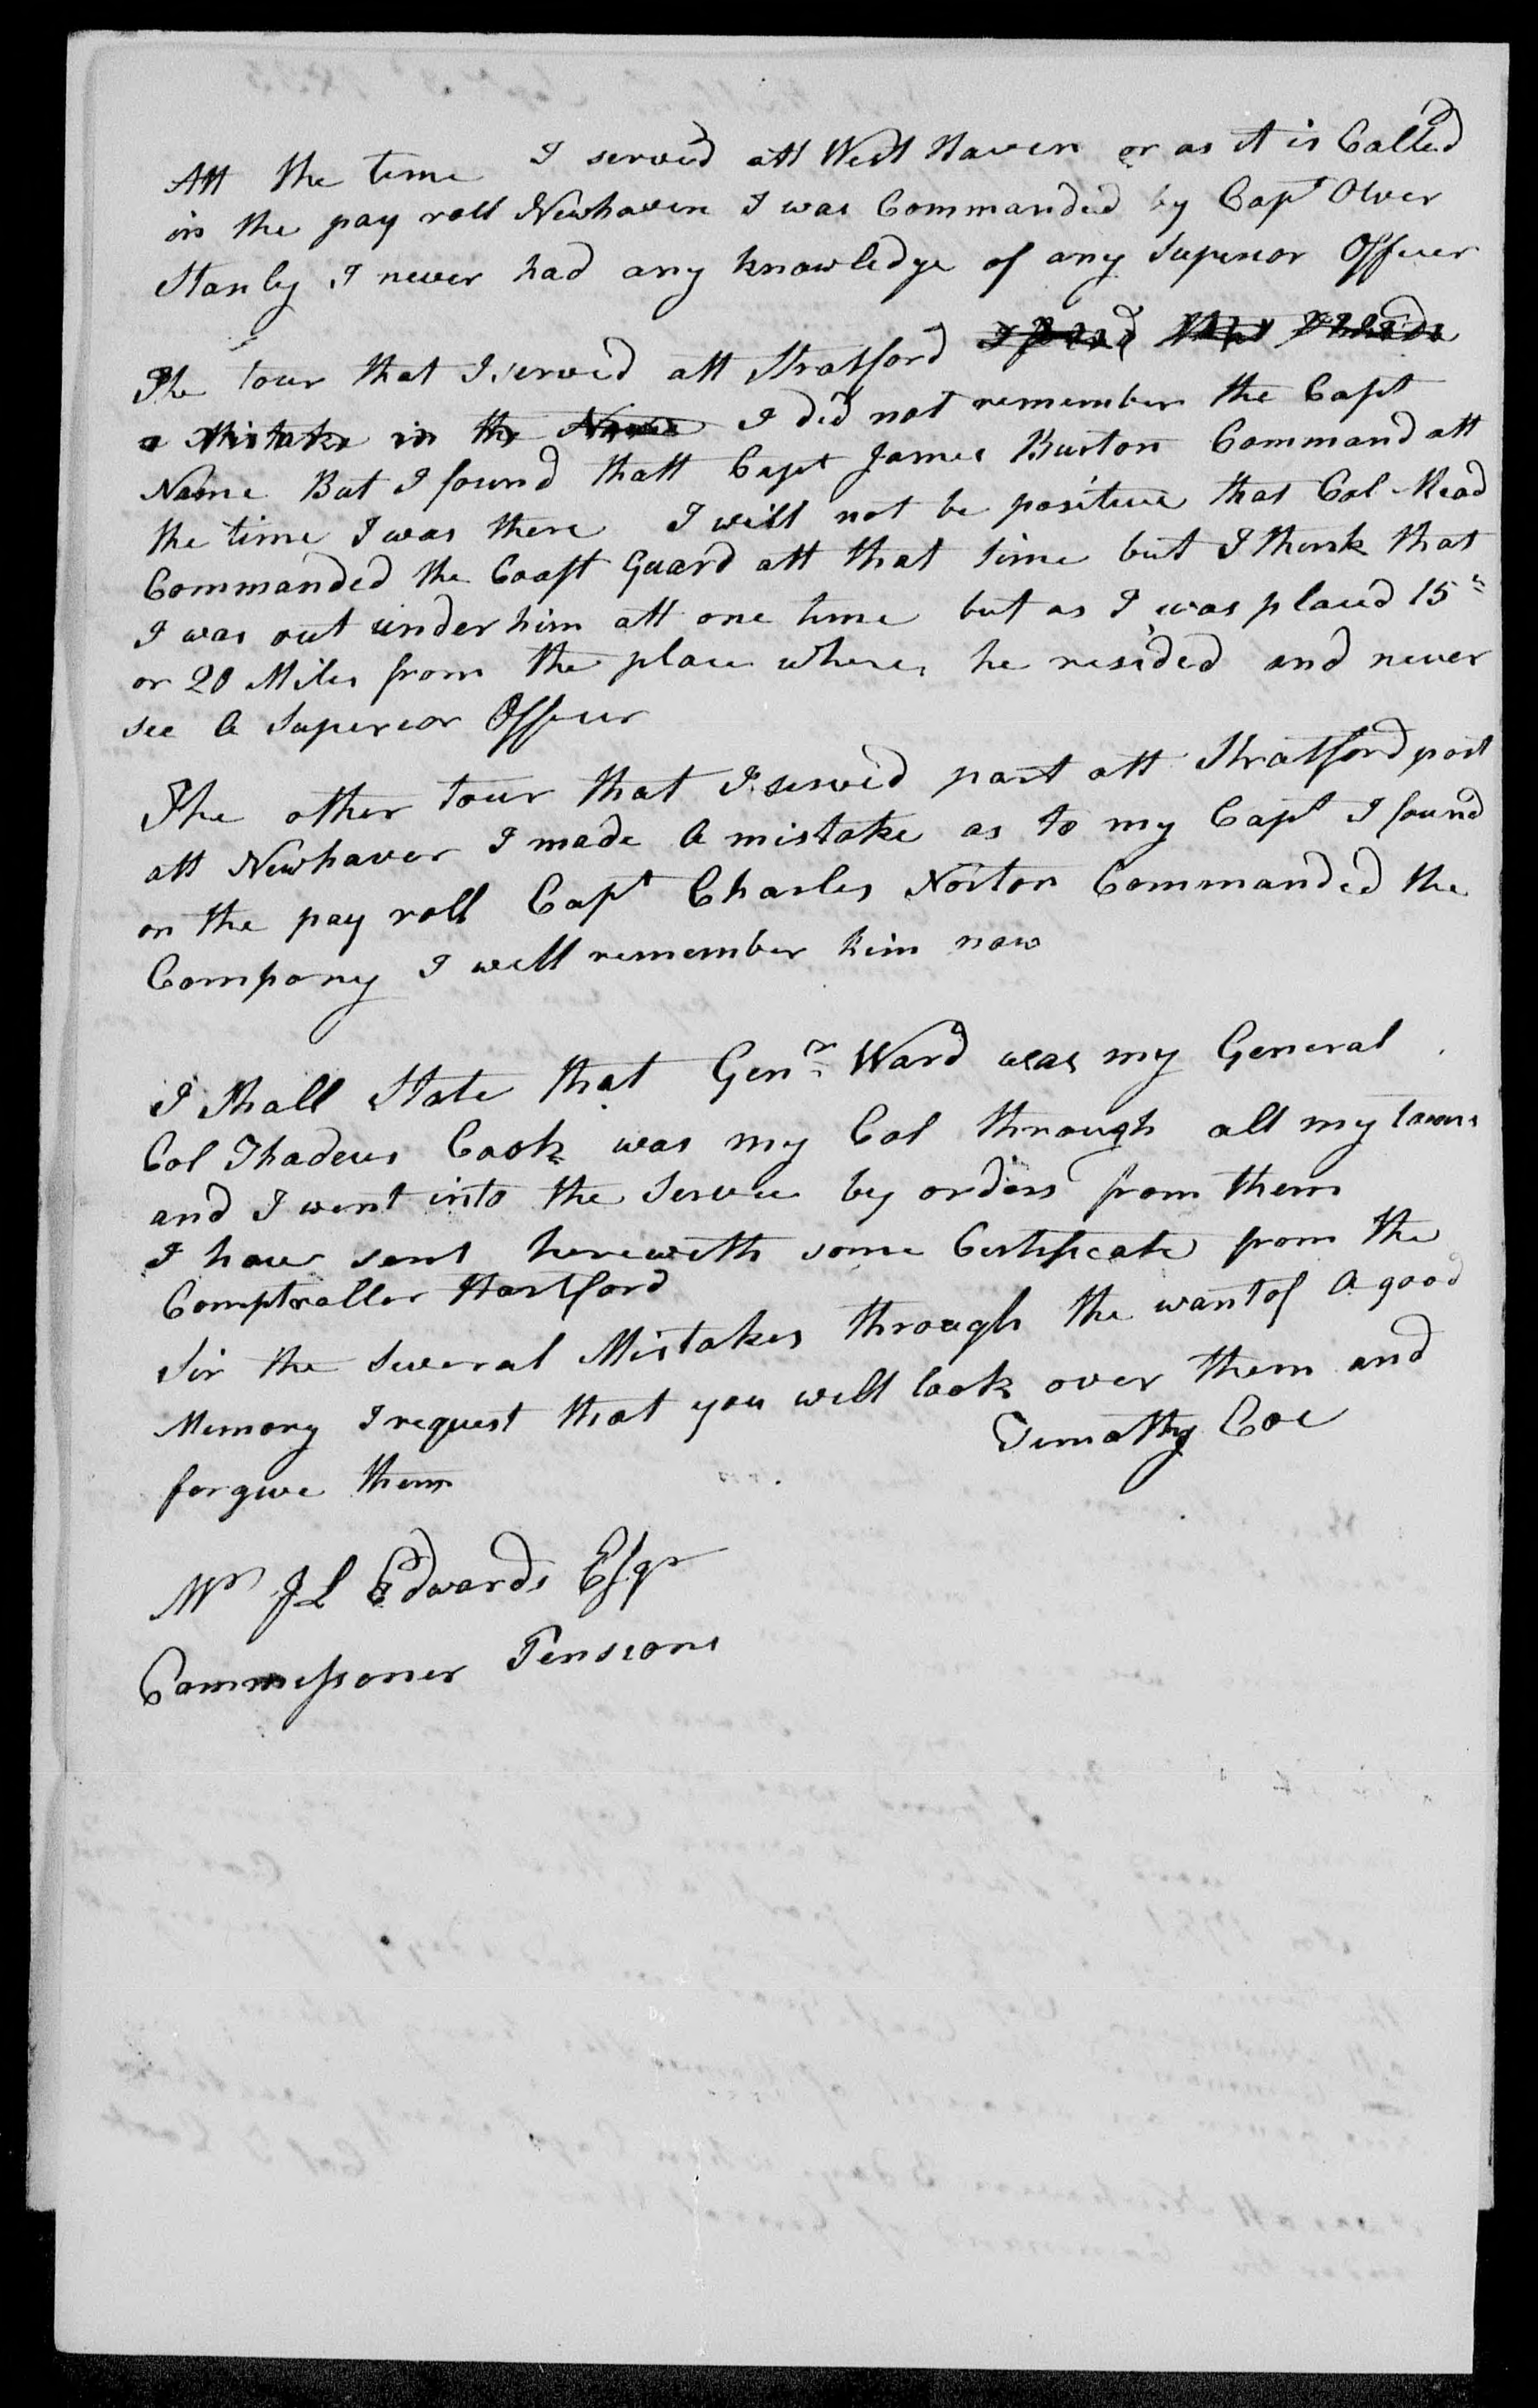At the time I served at West Haven or as it is called in the pay roll Newhaven I was commanded by Capt Olver Stanley I never had any knowledge of any Superior Officer
The tour that I served at Stratford a
mistake in the Name I did not remember the Capt Name But I found that Capt James Burton Command at the time I was there I will not be positive that Col Mead commanded the Coast Guard at that time but I think that
I was out under him at one time but as I was placed 15 or 20 Miles from the place where he resided and never see a Superior Offer
The other tour that I served part at Stratford part
at Newhaven I made a mistake as to my Capt I found on the pay roll Capt Charles Norton Commanded the Company I well remember him now
I shall state that Genl Ward was my General
Col Thadeus Cook was my Col through all my laws and I went into the service by orders from them I have sent herewith some Certificate
from the Comptroller Hartford
Sir the several Mistakes through the want of a good Memory I request that you will look over them and forgive them
---
Timothy Coe
forgive them
Mr J L Edwards
Esqr
Commissoner Pensions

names: Ward, J L Edwards, Thadeus Cook, Mead, Timothy Coe, James Burton, Olver Stanly, Charles Norton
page: 27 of 76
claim: widow's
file: W. 5,250, Timothy Coe, Conn.